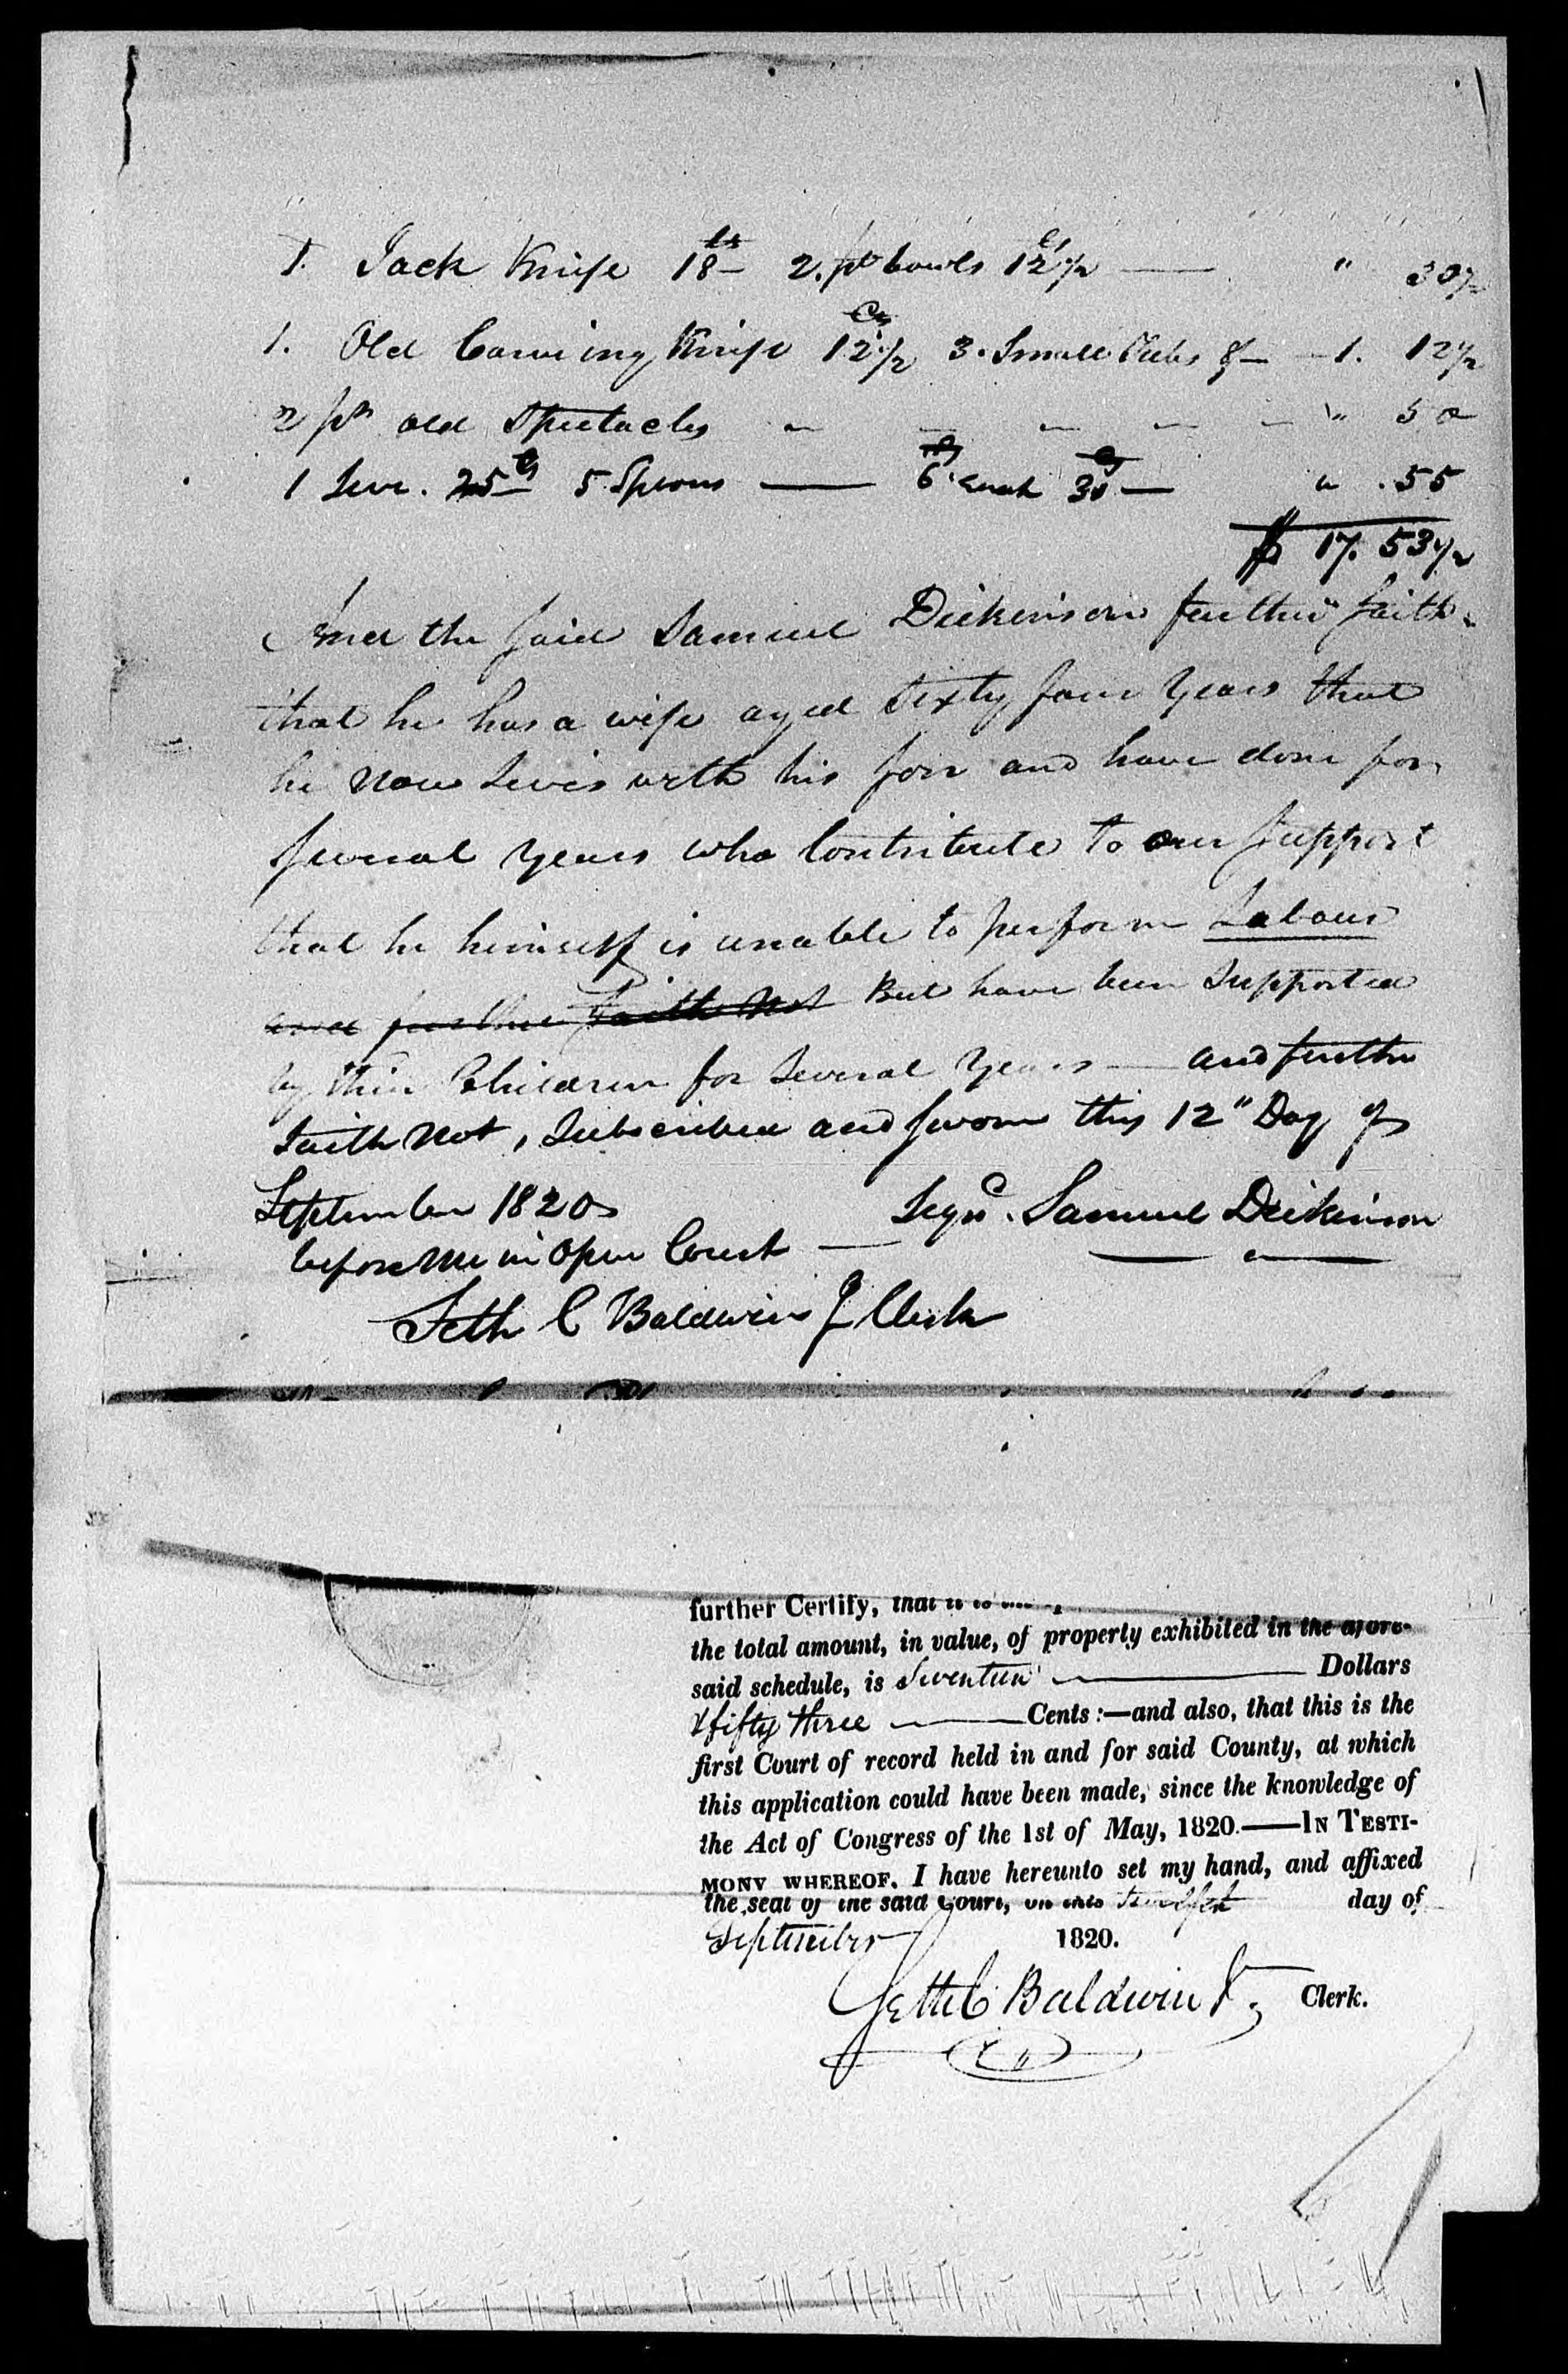1. Jack Knife 18 2. [illegible] bowls 12 0/00 " 30 [illegible]
1. Old Carving Knife 12 1/2 3. Small [illegible] 8- 1. 12 1/2
2 ps old spectacles 50
1 [illegible] 5 Spoons 6.each 30-- .55
$17.53 0/00
And the [illegible] Samuel Dickinson further saith that he has a wife aged sixty four years that he now lives with his son and have done for several years who contribute to our support that he himself is unable to perform in labour [and further saith is crossed out] But have been supported by their children for several years - and further saith not, Transcribed and Sworn this 12th Day of September 1820 
Sign. Samuel Dickinson
Seth [illegible] Baldwin [illegible] clerk

further certify [illegible]
the total amount, in value, of property exhibited in the  [illegible] said schedule, is Seventeen Dollars fifty three Cents- and also, that this is the first Court of record held in and for said County, at which this application could have been made, since the knowledge of the Act of Congress of the 1st of May, 1820. In Testimony whereof, I have hereunto set my hand, and affixed the seal of the said [illegible] on the is twelfth day of September 1820
Seth [illegible] Baldwin Jr., Clerk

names: Samuel Dickinson, Samuel Dickinson, Seth C Baldwin, Seth C Baldwin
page: 5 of 60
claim: widow's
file: W 16,955, Samuel Dickinson, Conn.